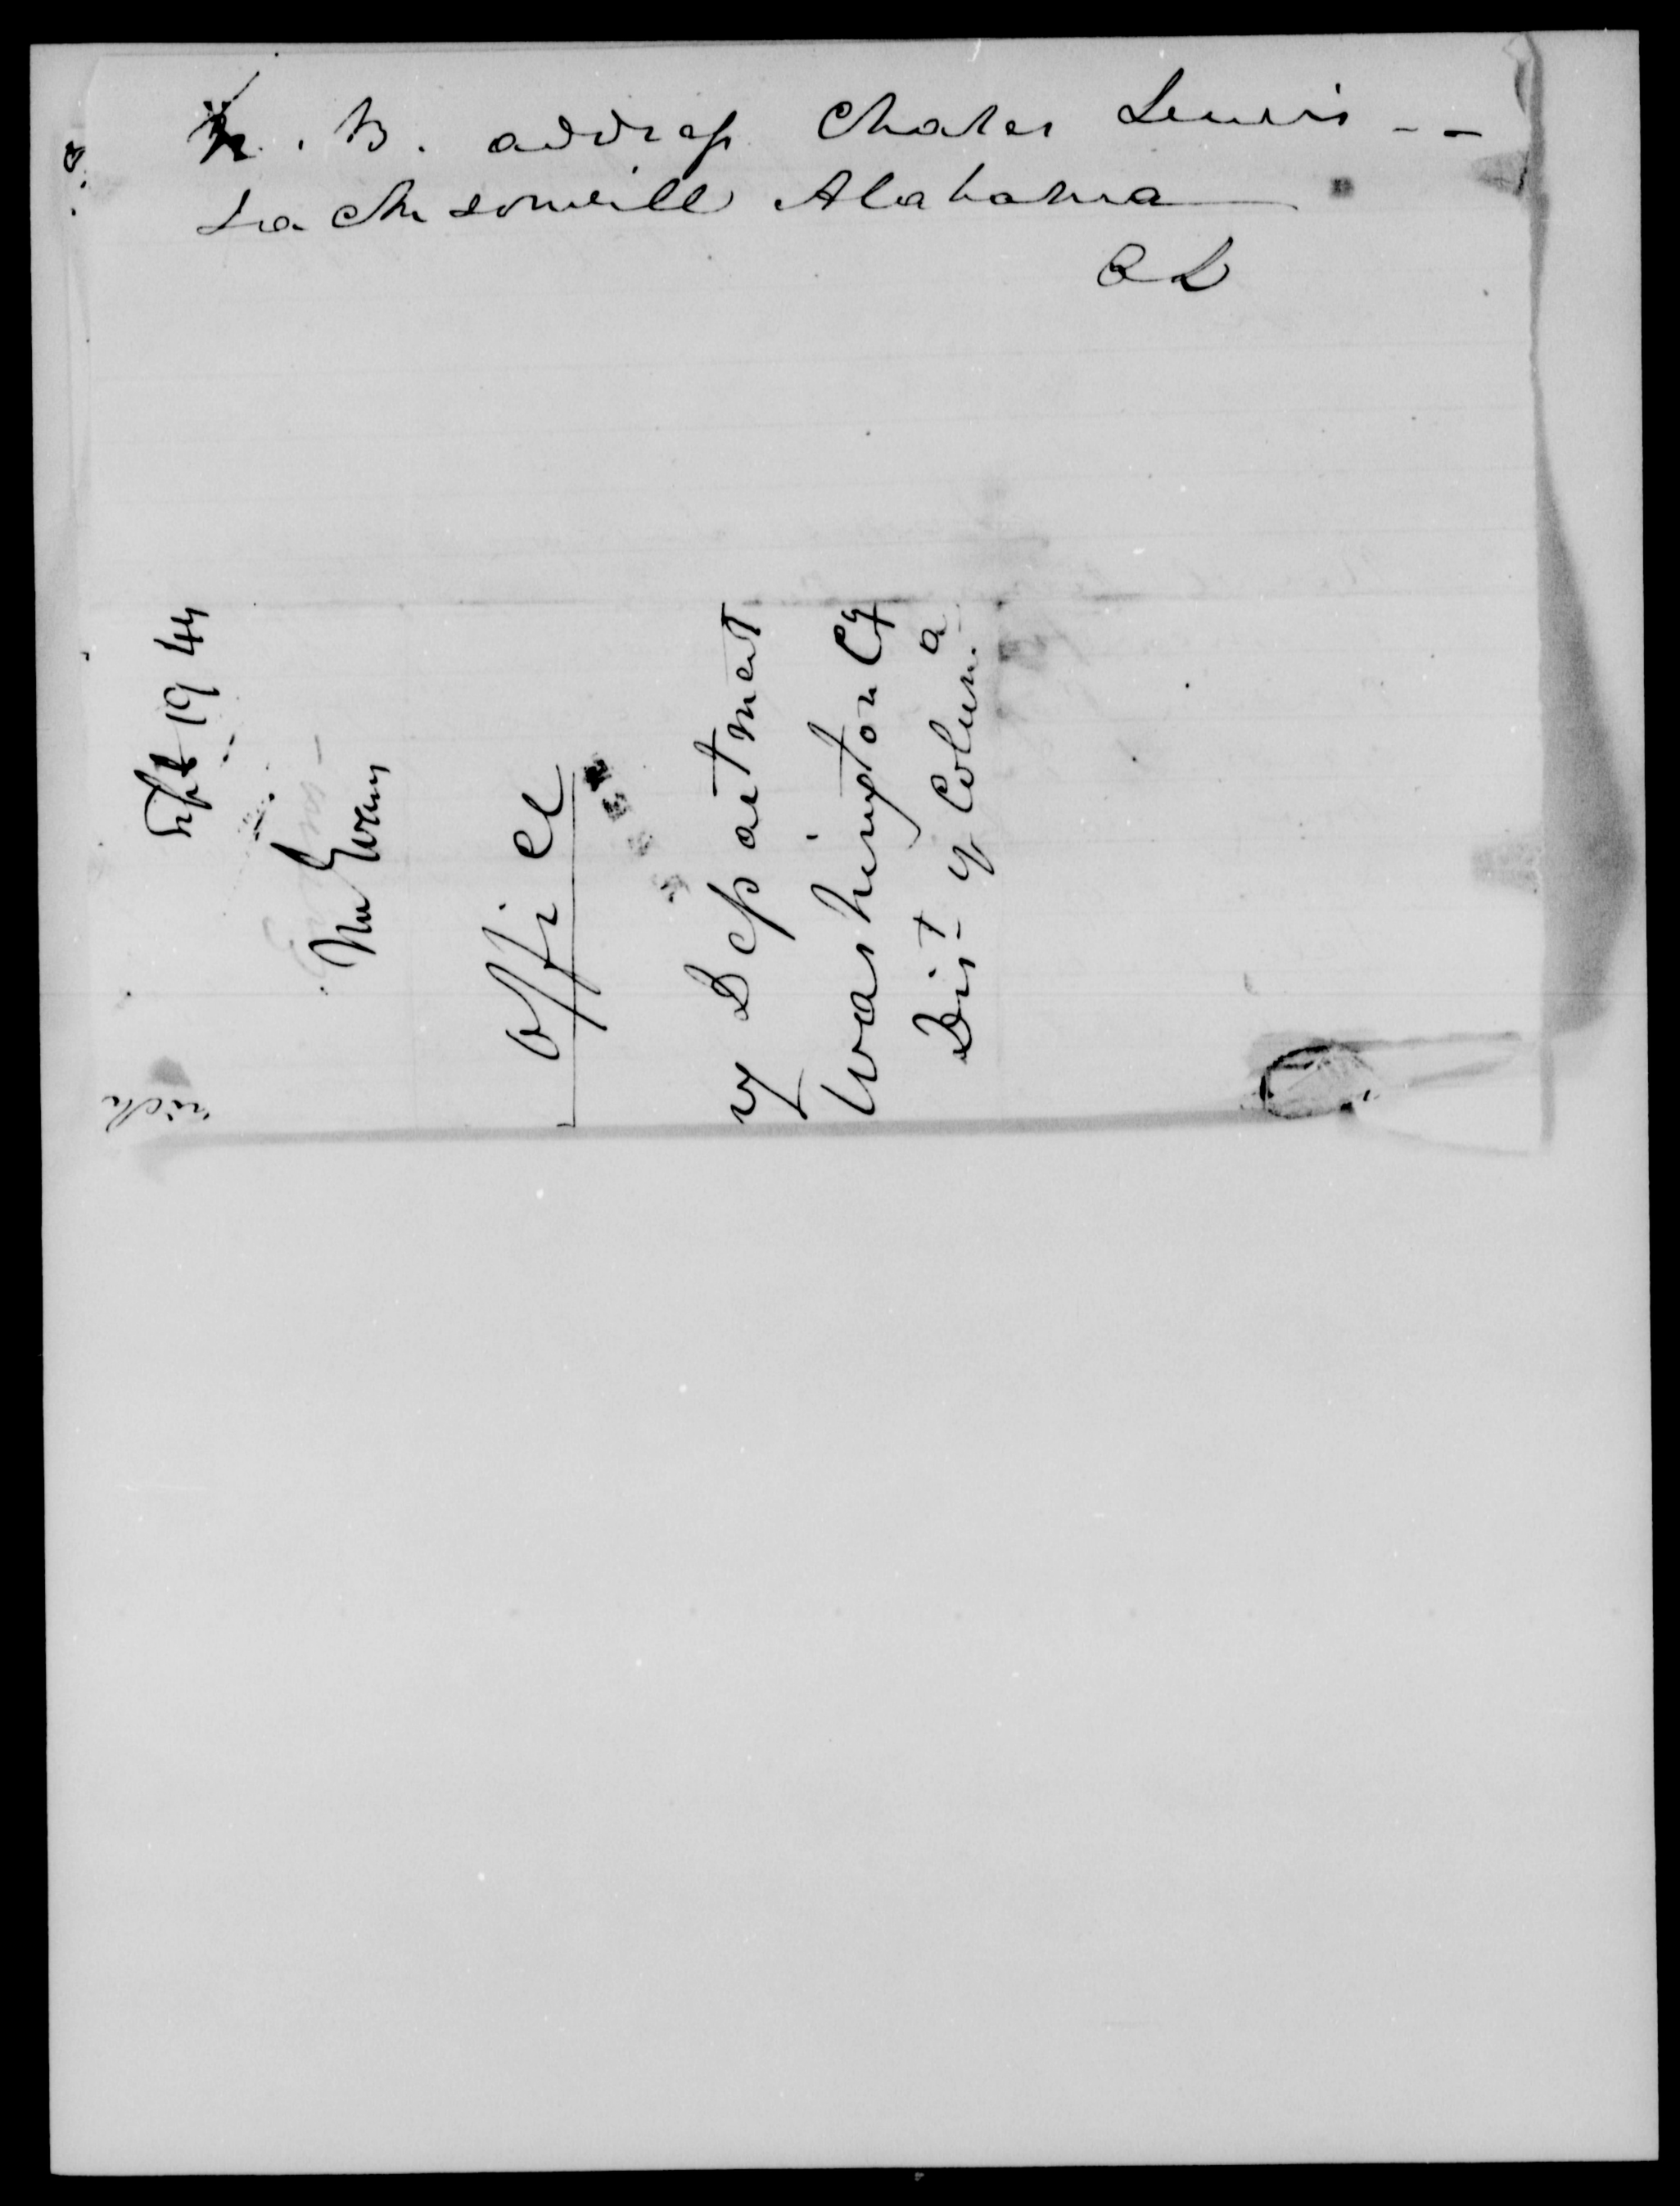N. B. address Charles Lewis -- Jacksonvill Alabama
RL

[The following is written sideways on the paper and appears as if it was copied with the left side folded under, cutting off the beginnings of some lines:]
Sept 19 44
Mr. Evans
  Office
ry Department
Washington Cy
Dist of Columa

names: [BLANK] Evans; Charles Lewis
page: 17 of 17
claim: survivor's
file: S. 11401, for James Simpson, South Carolina